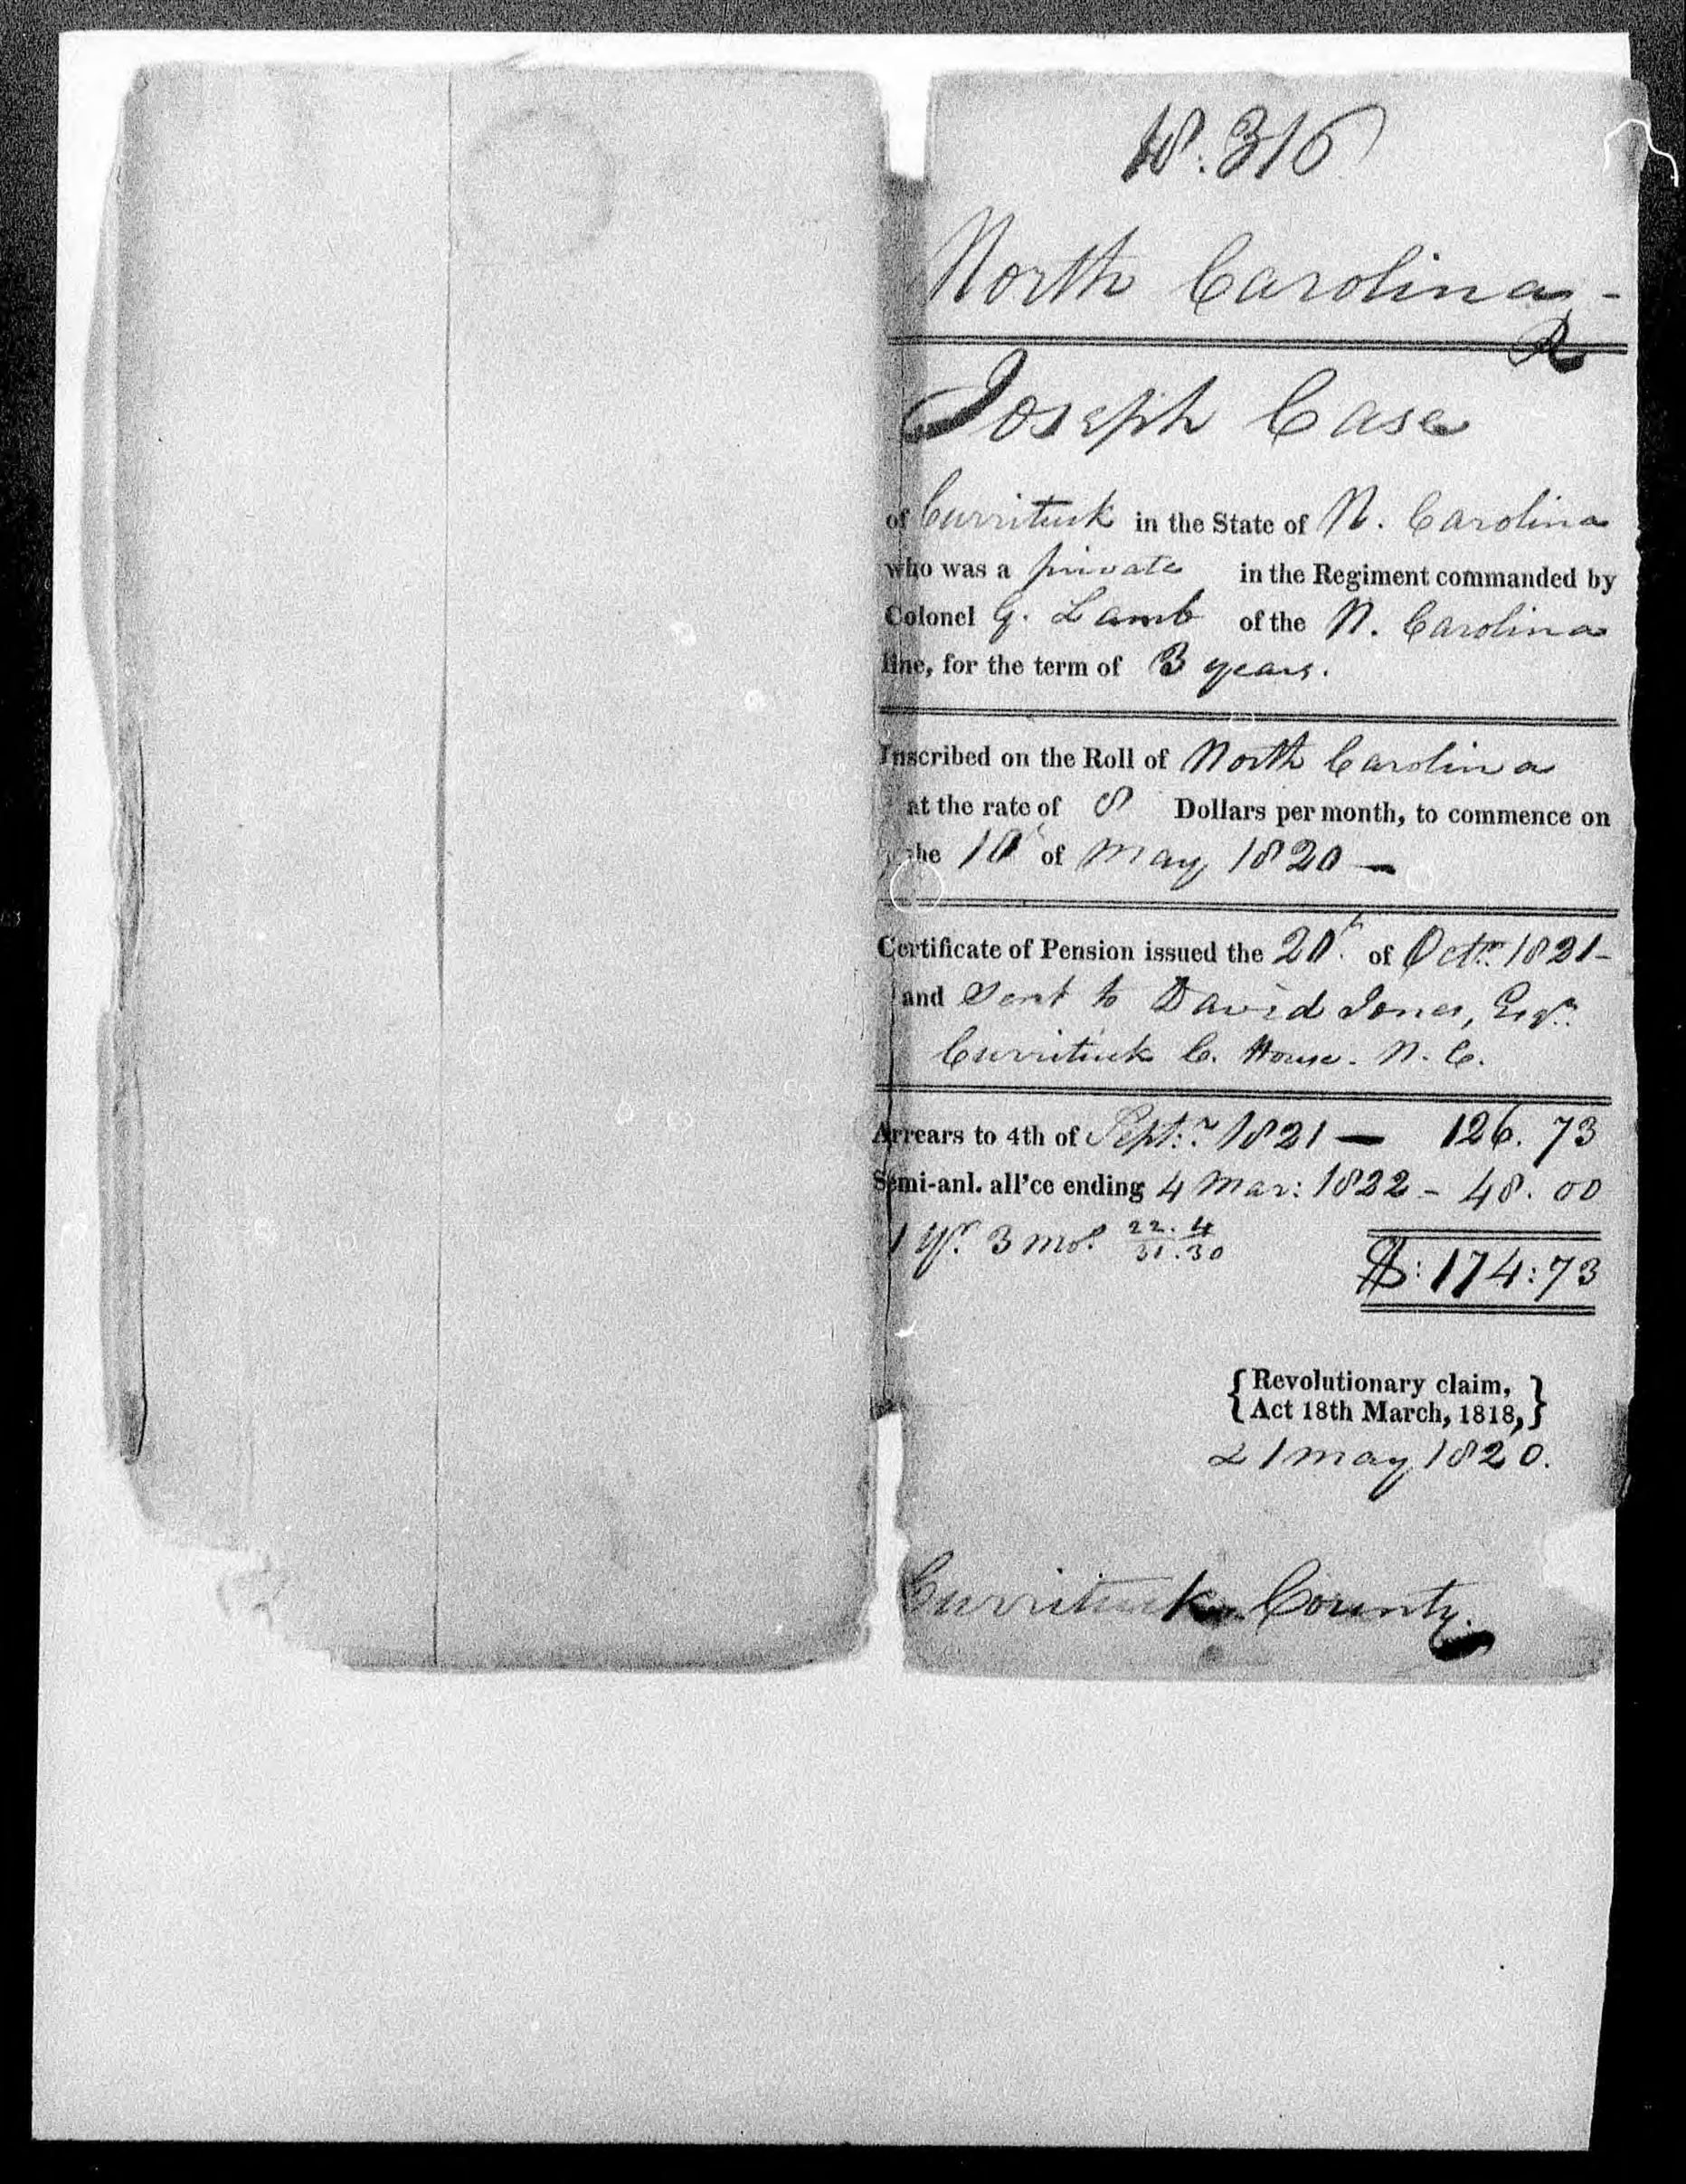No. 315
North Carolina
Joseph Case of Currituk in the State of N. Carolina who was a private in the Regiment commanded by Colonel G. Lamb of the N. Carolina line, for the term of 3 years.

Inscribed on the Roll of North Caroline at a rate of 8 Dollars per month, to commence on the 10th of May, 1820.

Certificate of Pension issued the 20th of Oct. 1821 and sent to David Jones, Esq., Currituk C. House, N.Co.

Appears to 4th of Sept. 1821 - 126.73
Semi-anl. all'ce ending 4 Mar 1822 - 40.00
1 yr. 3 mo. 22.4/31.30  Total $174.73

Revolutionary claim
Act 18th March, 1818

21 May 1820.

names: G Lamb, David Jones, Joseph Case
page: 2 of 20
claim: survivor's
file: S. 41472, Joseph Case, N.C.